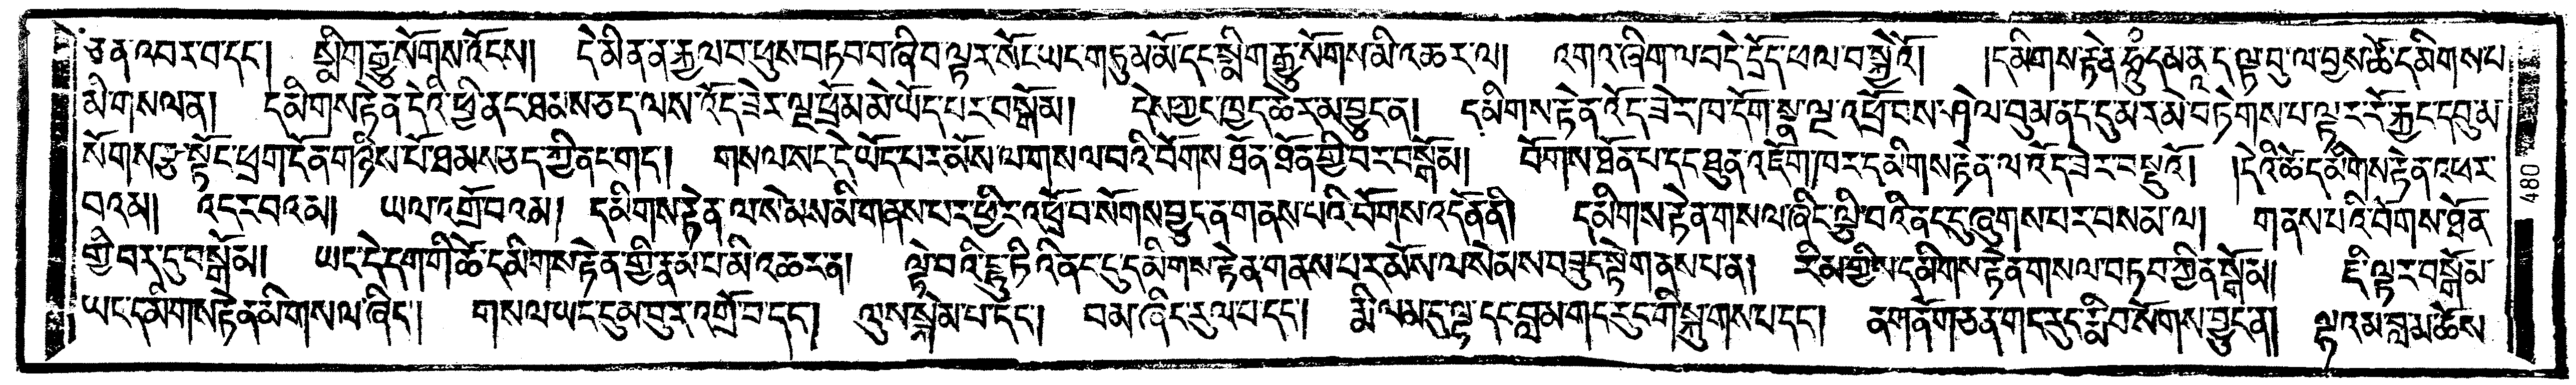ཅན་འབར་བ་དང་། སྨིག་རྒྱུ་སོགས་འོངས། དེ་མིན་ན་རྐྱལ་བ་ཕུས་བཏབ་བ་ཞིབ་ལྟར་སོང་ཡང་གཏུམ་མོ་དང་སྨིག་རྒྱུ་སོགས་མི་འཆར་ལ། འགའ་ཞིག་ལ་བདེ་དྲོད་ཕལ་བ་སྐྱེའོ། །དམིགས་རྟེན་ཧཱུཾ་དམ་ནཱ་ད་ལྟ་བུ་ལ་བྱས་ཚེ་དམིགས་པ་
མི་གསལ་ན། དམིགས་རྟེན་དེའི་ཕྱི་ནང་ཐམས་ཅད་ལས་འོད་ཟེར་ལྔ་ཕྲོམ་མེ་ཡོད་པར་བསྒོམ། དེས་ཀྱང་ཁྱད་ཆེར་མ་བྱུང་ན། དམིགས་རྟེན་འོད་ཟེར་ཁ་དོག་སྣ་ལྔ་འཕྲོ་བས་ཤེལ་བུམ་ནང་དུ་མར་མེ་བཏེགས་པ་ལྟར་རོ་རྐྱང་དབུ་མ་
སོགས་རྩ་སྟོང་ཕྲག་དོན་གཉིས་པོ་ཐམས་ཅད་ཀྱི་ནང་གང་། གསལ་སང་དེ་ཡོད་པར་མོས་ལ་གསལ་བའི་བོགས་ཐོན་ཐོན་གྱི་བར་བསྒོམ། བོགས་ཐོན་པ་དང་ཐུན་འཇོག་ཁར་དམིགས་རྟེན་ལ་འོད་ཟེར་བསྡུའོ། །དེའི་ཚེ་དམིགས་རྟེན་འཕར་
བའམ། འདར་བའམ། ཡལ་འགྲོ་བའམ། དམིགས་རྟེན་ལ་སེམས་མི་གནས་པར་ཕྱིར་འཕྲོ་བ་སོགས་བྱུང་ན་གནས་པའི་བོགས་འདོན་ནི། དམིགས་རྟེན་གསལ་ཞིང་ལྕི་བའི་ནང་དུ་ཞུགས་པར་བསམ་ལ། གནས་པའི་བོགས་ཐོན་
གྱི་བར་དུ་བསྒོམ། ཡང་དེ་དག་གི་ཚེ་དམིགས་རྟེན་གྱི་རྣམ་པ་མི་འཆར་ན། ལྟེ་བའི་དྷུ་ཏིའི་ནང་དུ་དམིགས་རྟེན་གནས་པར་མོས་ལ་སེམས་བཟུང་སྟེ་གནས་པ་ན། རིམ་གྱིས་དམིགས་རྟེན་གསལ་བཏབ་ཀྱིན་སྒོམ། ཇི་ལྟར་བསྒོམ་
ཡང་དམིགས་རྟེན་མི་གསལ་ཞིང་། གསལ་ཡང་དུམ་བུར་འགྲོ་བ་དང་། ལུས་སྐེམ་པ་དང་། བམ་ཞིང་རུལ་པ་དང་། རྨི་ལམ་དུ་ལྷ་དང་བླ་མ་གང་རུང་གི་སྐུ་གས་པ་དང་། ནག་ནོག་ཅན་གང་རུང་རྨི་བ་སོགས་བྱུང་ན། ལྷའམ་བླ་མ་ཆོས་